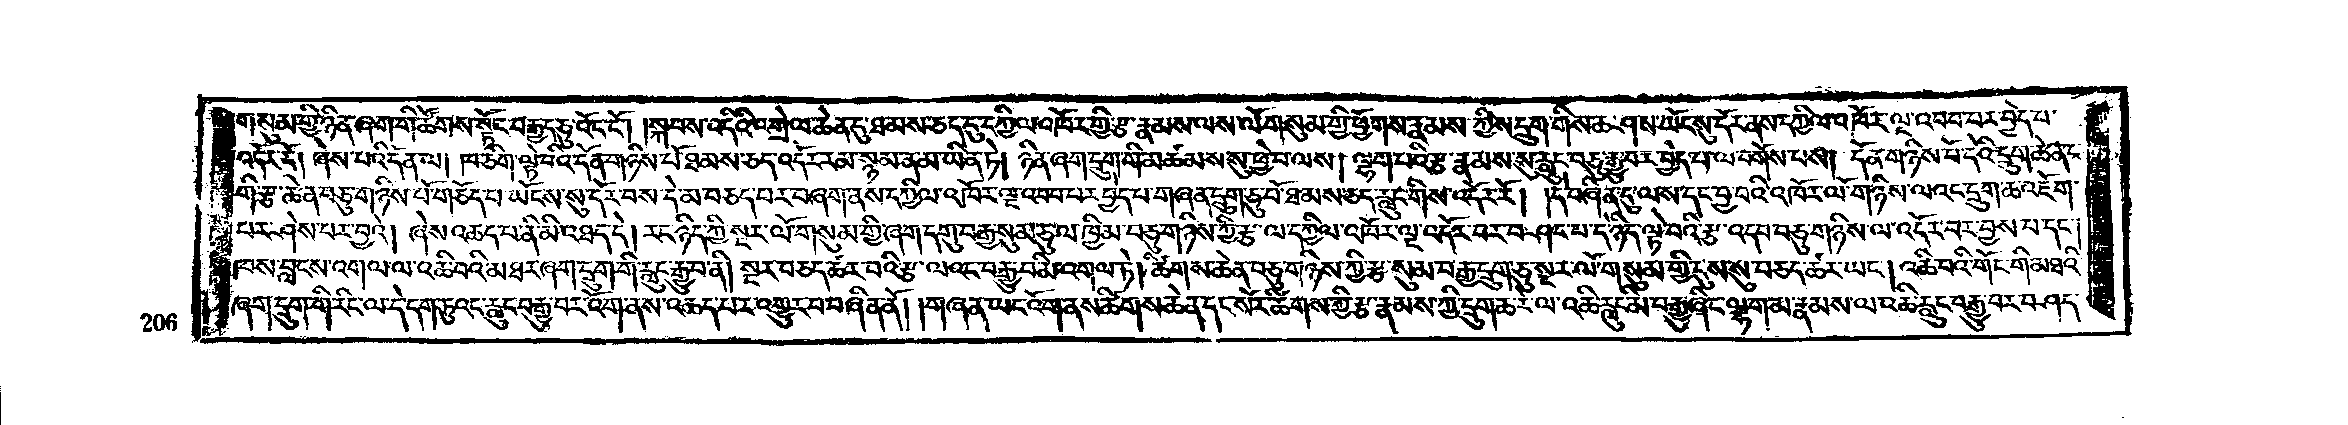གསུམ་གྱི་ཉིན་ཞག་གི་ཚོགས་སྟོང་བརྒྱད་ཅུ་འོང་ངོ། །སྐབས་འདིའི་འགྲེལ་ཆེན་དུ་ཐམས་ཅད་དུ་དཀྱིལ་འཁོར་གྱི་རྩ་རྣམས་ལས་ལོ་གསུམ་གྱི་ཕྱོགས་རྣམས་ཀྱིས་དྲུག་གིས་ཆ་ཤས་ཡོངས་སུ་དོར་ནས་དཀྱིལ་འཁོར་ལྔ་འབབ་པར་བྱེད་པ་
འདོར་རོ། ཞེས་པའི་དོན་ལ། ཁ་ཅིག་ལྟེ་བའི་དོན་གཉིས་པོ་ཐམས་ཅད་འདོར་རམ་སྙམ་ན་མ་ཡིན་ཏེ། ཉིན་ཞག་དྲུག་གི་མཚམས་སུ་ཕྱེ་བ་ལས། ལྷག་པའི་རྩ་རྣམས་སུ་རླུང་བཅུ་རྒྱུ་བར་བྱེད་པ་ལ་བགོས་པས། དོན་གཉིས་པོ་དེའི་དྲུག་ཆེ་ནང་
གི་རྩ་ཆེན་བཅུ་གཉིས་པོ་གཅོད་པ་ཡོངས་སུ་དོར་བས་དེ་མ་བཅད་པར་བཞག་ནས་དཀྱིལ་འཁོར་ལྔ་འབབ་པར་བྱེད་པ་གཞན་དྲུག་ཅུ་པོ་ཐམས་ཅད་རླུང་གིས་འདོར་རོ། །དེ་བཞིན་དུ་ལས་དང་བྱ་བའི་འཁོར་ལོ་གཉིས་ལའང་དྲུག་ཆ་འཇོག་
པར་ཤེས་པར་བྱའོ། ཞེས་འཆད་པ་ནི་མི་འཐད་དེ། རང་ཉིད་ཀྱི་སྔར་ལོ་གསུམ་གྱི་ཞག་དགུ་བརྒྱ་སུམ་ཅུ་ལ་ཁྱིམ་བཅུ་གཉིས་ཀྱི་རྩ་ལ་དཀྱིལ་འཁོར་ལྔ་འདོར་བར་བཤད་པ་དེ་ཉིད་ལྟེ་བའི་རྩ་འདབ་བཅུ་གཉིས་ལ་འདོར་བར་བྱས་པ་དང་།
ཁས་བླངས་འགལ་ལ་འཆི་བའི་མཐར་ཞག་དྲུག་གི་རླུང་རྒྱུ་བ་ནི། སྔར་བཅད་ཚར་བའི་རྩ་ལའང་བརྒྱུ་བ་མི་འགལ་ཏེ། ཚིགས་ཆེན་བཅུ་གཉིས་ཀྱི་རྩ་སུམ་བརྒྱ་དྲུག་ཅུ་སྔར་ལོ་གསུམ་གྱི་དུས་སུ་བཅད་ཚར་ཡང་། འཆི་བའི་གོང་གི་མཐའི་
ཞག་དྲུག་གི་རིང་ལ་དེ་དག་ཏུའང་རླུང་བརྒྱུབར་འོག་ནས་འཆད་པར་འགྱུར་བ་བཞིན་ནོ། །གཞན་ཡང་འོག་ནས་ཚིགས་ཆེན་དང་སོར་ཚིགས་ཀྱི་རྩ་རྣམས་ཀྱི་དྲུག་ཆ་རེ་ལ་འཆི་རླུང་མི་བརྒྱུ་ཞིང་ལྷག་མ་རྣམས་ལ་འཆི་རླུང་བརྒྱུ་བར་བཤད་